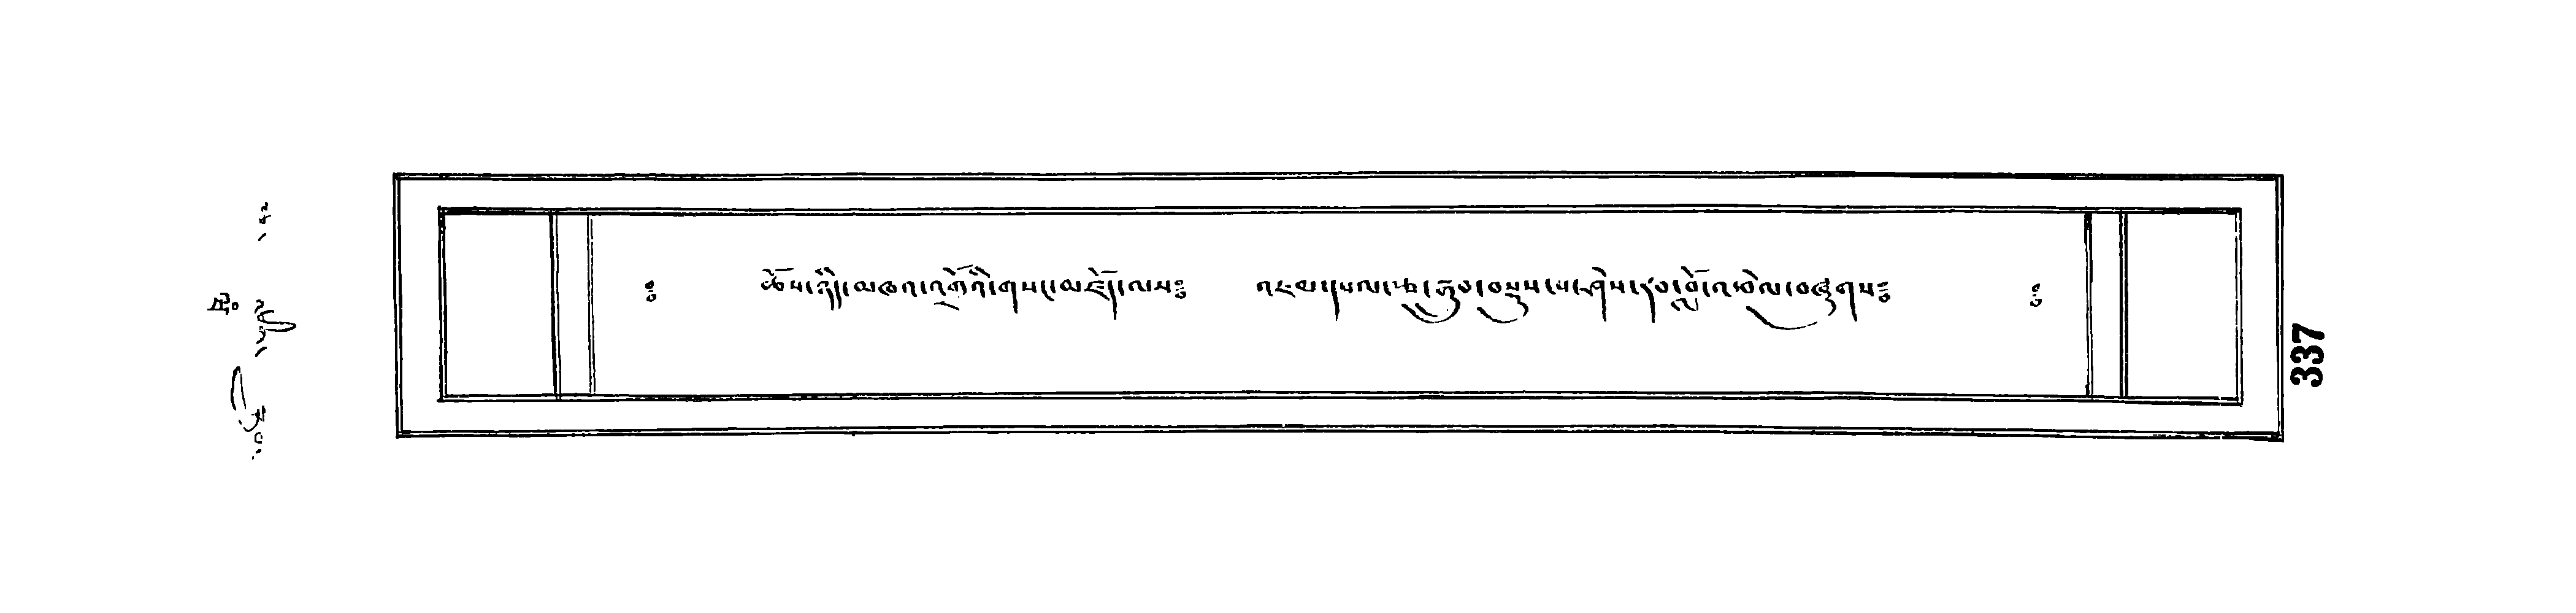ཆོས་ཉིད་མཁའ་འགྲོའི་གསང་མཛོད་ལས༔ འཇམ་དཔལ་རྩ་སྒྲུབ་བསྡུས་པ་ཤེས་རབ་བློ་འཕེལ་བཞུགས༔